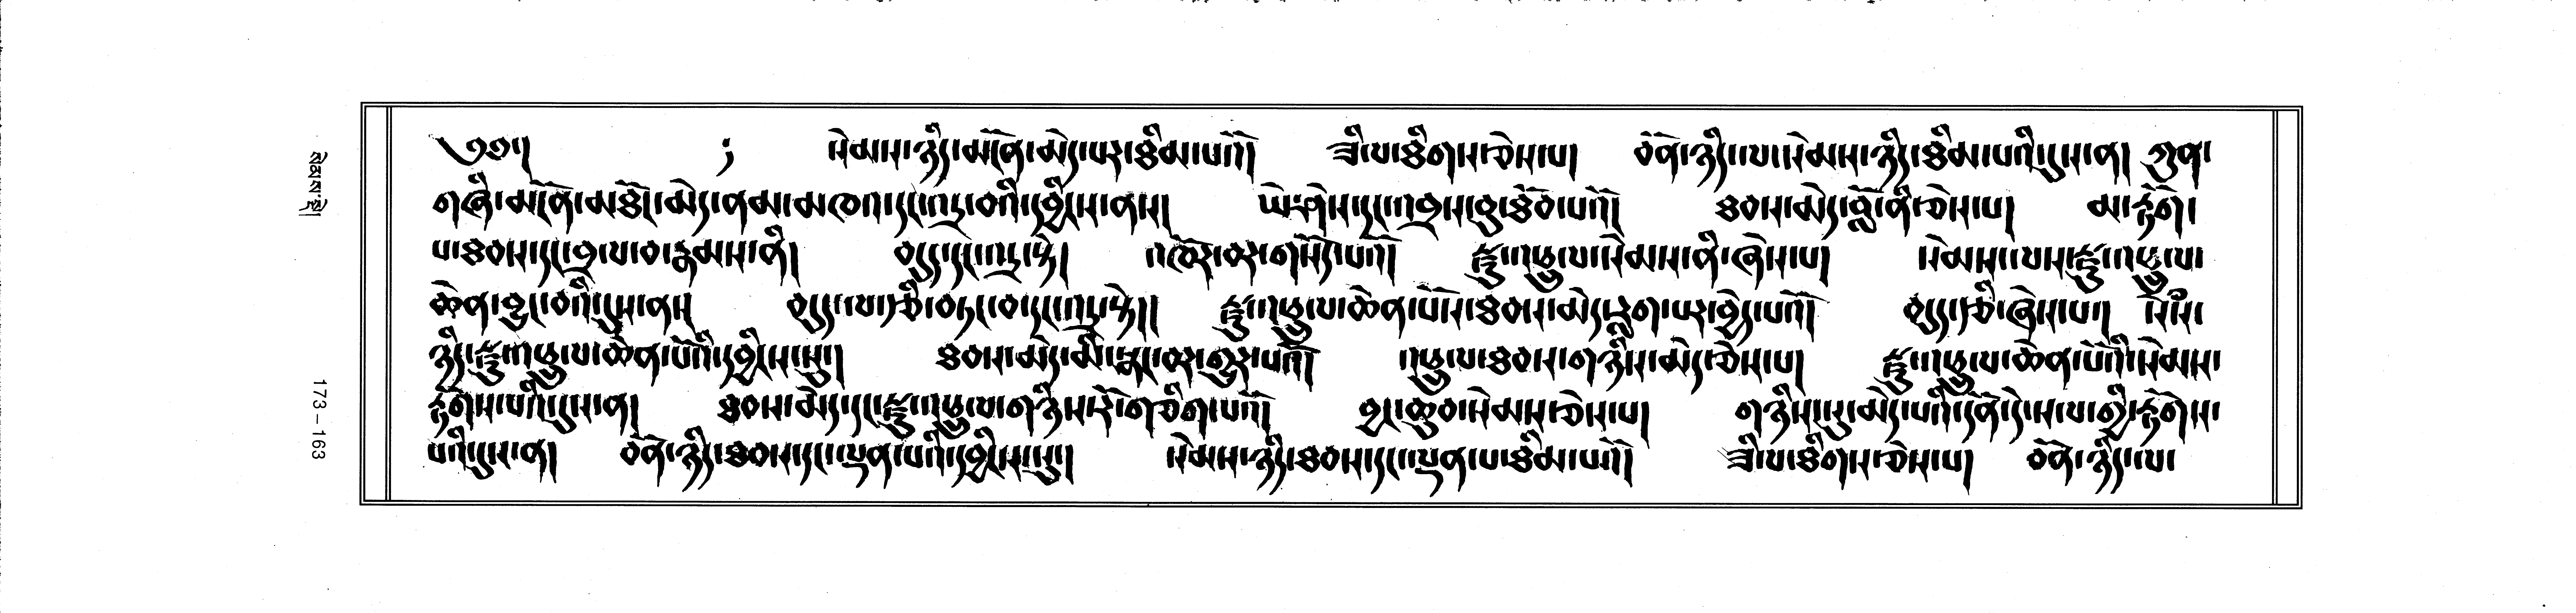སེམས་ཉིད་མངོན་མཐོང་མེད་པར་ཐིམ་པའོ། །ཟིལ་ཐིགས་ཅེས་པ། བོན་ཉིད་ལ་སེམས་ཉིད་ཐིམ་པའི་དུས་ན། ཀུན་
གཞི་མངོན་མཐོང་མེད་པ་ནམ་མཁའ་དང་འདྲ་བའི་དབྱིངས་ནས། ཡེ་ཤེས་དང་༼དགོངས་པ༽འབྲས་བུ་ཐོབ་པའོ། །ཐབས་མེད་བློ་ནི་ཅེས་པ། མ་རྟོགས་
པ་ཐབས་དང་བྲལ་བ་རྣམས་ནི། བདུད་དང་འདྲ་སྟེ། འཁོར་བར་གསོད་པའོ། །རྫུ་འཕྲུལ་སེམས་ནི་ཞེས་པ། ༼བྱང་ཆུབ་ཀྱི༽སེམས་ལས་རྫུ་འཕྲུལ་
ཆེན་པོ་བྱུང་བའི་དུས་ན། བདུད་ལ་རྩི་བཏང་བ་དང་འདྲ་སྟེ། རྫུ་འཕྲུལ་ཆེན་པོས་ཐབས་མེད་བརླག་པར་བྱེད་པ་ལ་བྱའོ། །བདུད་རྩི་ཞེས་པ། སེམས་
ཉིད་རྫུ་འཕྲུལ་ཆེན་པོའི་དབྱིངས་སུ། ཐབས་མེད་མི་སྣང་བར་གྱུར་པའོ། །འཕྲུལ་ཐབས་གཉིས་མེད་ཅེས་པ། རྫུ་འཕྲུལ་ཆེན་པོའི་སེམས་
རྟོགས་པའི་དུས་ན། ཐབས་མེད་དང་རྫུ་འཕྲུལ་གཉིས་རོ་གཅིག་པའོ། །བྱང་ཆུབ་སེམས་ཅེས་པ། གཉིས་སུ་མེད་པའི་དོན་དེ་སལ་གྱིས་རྟོགས་
པའི་དུས་ན། བོན་ཉིད་ཐབས་དང་ལྡན་པའི་དབྱིངས་སུ། སེམས་ཉིད་ཐབས་དང་ལྡན་པ་ཐིམ་པའོ། །ཟིལ་ཐིགས་ཅེས་པ། བོན་ཉིད་ལ་